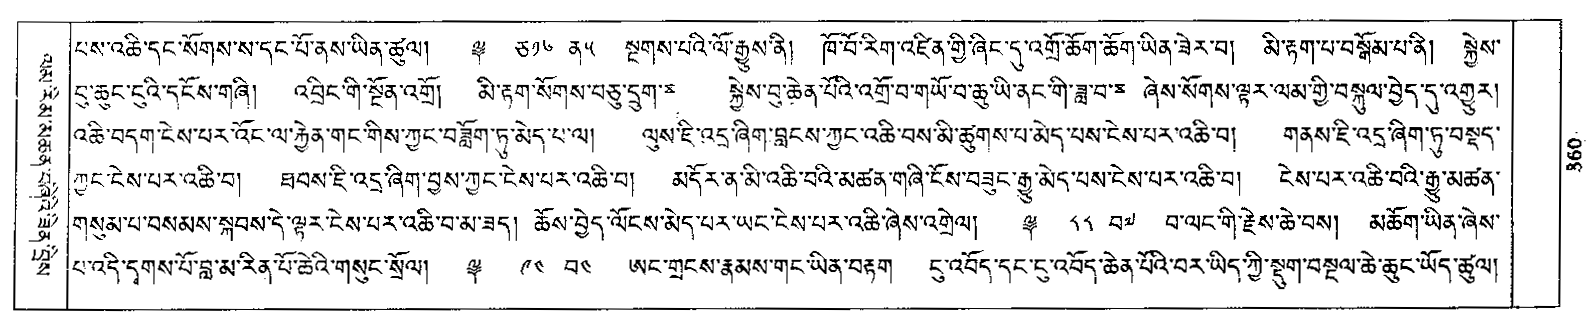པས་འཆི་དང་སོགས་ས་དང་པོ་ནས་ཡིན་ཚུལ། ༈ ཅ ༡༦་ན ༥་སྔགས་པའི་ལོ་རྒྱུས་ནི། ཁོ་བོ་རིག་འཛིན་གྱི་ཞིང་དུ་འགྲོ་ཆོག་ཆོག་ཡིན་ཟེར་བ། མི་རྟག་པ་བསྒོམ་པ་ནི། སྐྱེས་
བུ་ཆུང་ངུའི་དངོས་གཞི། འབྲིང་གི་སྔོན་འགྲོ། མི་རྟག་སོགས་བཅུ་དྲུག་྾་སྐྱེས་བུ་ཆེན་པོའི་འགྲོ་བ་གཡོ་བ་ཆུ་ཡི་ནང་གི་ཟླ་བ་྾་ཞེས་སོགས་ལྟར་ལམ་གྱི་བསྐུལ་བྱེད་དུ་འགྱུར།
འཆི་བདག་ངེས་པར་འོང་ལ་རྐྱེན་གང་གིས་ཀྱང་བཟློག་ཏུ་མེད་པ་ལ། ལུས་ཇི་འདྲ་ཞིག་བླངས་ཀྱང་འཆི་བས་མི་ཚུགས་པ་མེད་པས་ངེས་པར་འཆི་བ། གནས་ཇི་འདྲ་ཞིག་ཏུ་བསྡད་
ཀྱང་ངེས་པར་འཆི་བ། ཐབས་ཇི་འདྲ་ཞིག་བྱས་ཀྱང་ངེས་པར་འཆི་བ། མདོར་ན་མི་འཆི་བའི་མཚན་གཞི་ངོས་བཟུང་རྒྱུ་མེད་པས་ངེས་པར་འཆི་བ། ངེས་པར་འཆི་བའི་རྒྱུ་མཚན་
གསུམ་པ་བསམས་སྐབས་དེ་ལྟར་ངེས་པར་འཆི་བ་མ་ཟད། ཆོས་བྱེད་ལོངས་མེད་པར་ཡང་ངེས་པར་འཆི་ཞེས་འགྲེལ། ༈ ༨༨་བ ༧་བ་ལང་གི་རྗེས་ཆེ་བས། མཆོག་ཡིན་ཞེས་
པ་འདི་དྭགས་པོ་བླ་མ་རིན་པོ་ཆེའི་གསུང་སྲོལ། ༈ ༩༤་བ ༤་ཨང་གྲངས་རྣམས་གང་ཡིན་བརྟག་ངུ་འབོད་དང་ངུ་འབོད་ཆེན་པོའི་བར་ཡིད་ཀྱི་སྡུག་བསྔལ་ཆེ་ཆུང་ཡོད་ཚུལ།